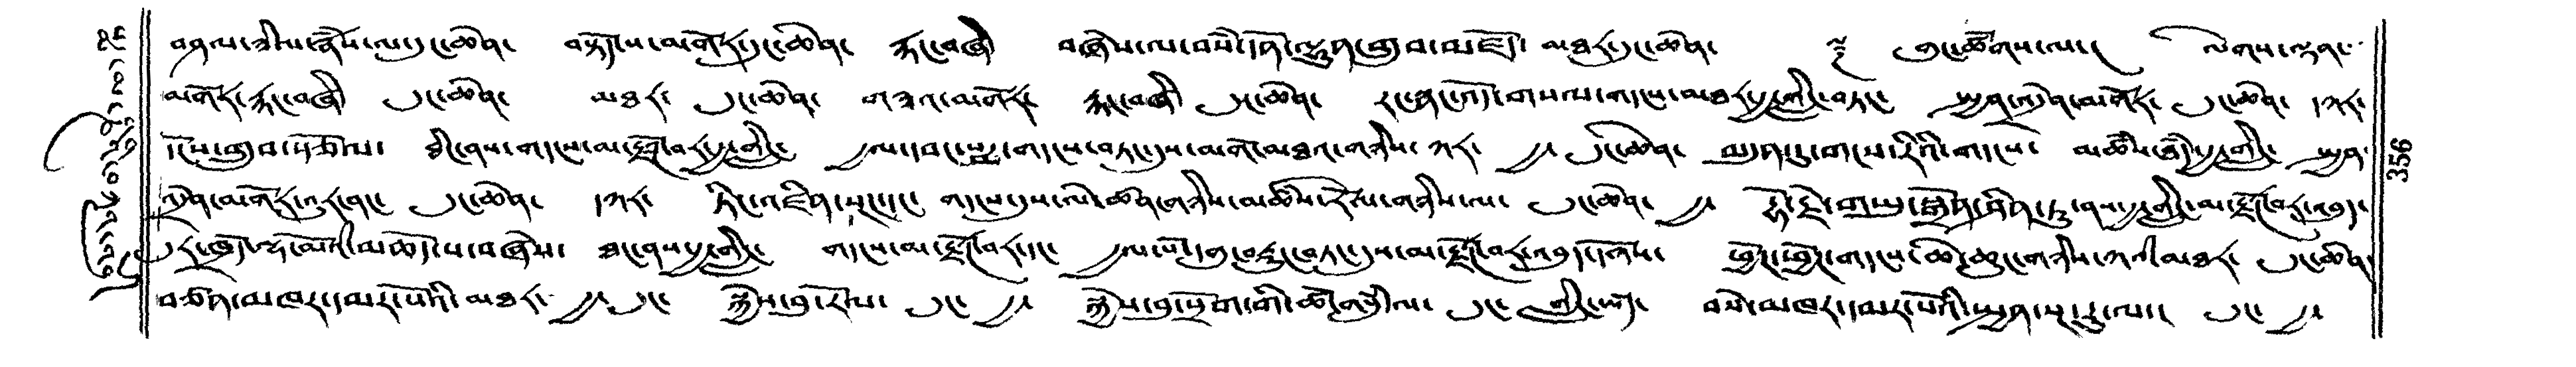བཤལ་ཟིལ་རྣམས་ལ་དུང་ཆེན། བསྟོད་པ་མགོར་དུང་ཆེན། རྐང་བཞི། བཞེས་ལ་བསམ་དོན་ལྷུན་གྲུབ་མཛོད༔ མཐར་དུང་ཆེན། ༈ གུང་ཚོགས་ལ། ལེགས་ལྡན་
མགོར་རྐང་བཞི། དུང་ཆེན། མཐར། དུང་ཆེན། གཟའ་མགོར། རྐང་བཞི། དུང་ཆེན། རང་སྣང་འོད་གསལ༴ གདངས་མཐར་རྒྱ་གླིང་བཏང་། སྤྱན་འདྲེན་མགོར། དུང་ཆེན། དཀར། 
དངོས་གྲུབ་སྩོལ༔ ཐིང་ནས་གདངས་མ་རྫོགས་བར་རྒྱ་གླིང་། རྒྱལ་དབང་པདྨ༴ གདངས་གཏོང་དུས་མགོ་མཐའ་གཉིས། དཀར། རྒྱ། དུང་ཆེན། མདུན་དུ་གངས་རིའི༴ གདངས། མཚམས་ཐམས་ཅད་རྒྱ་གླིང་། སྤྱན་
འདྲེན་མགོར་འུར་ནང་དུང་ཆེན། དཀར། ཏིང་འཛིན་སྔགས་དང༴ གདངས་དུས་ལེ་ཚན་གཉིས་མཚམས་རོལ་གཉིས་ལ། དུང་ཆེན། རྒྱ། རྡོ་རྗེ་གཡུ་སྒྲོན་ཤིན་ཏུ༴ ནས་རྒྱ་གླིང་མ་རྫོགས་བར་འབུད། 
དུར་ཁྲོད་ལྷ་མོའི། མཆོད་པ་བཞེས༔ ཐད་ནས་རྒྱ་གླིང་། གདངས་མ་རྫོགས་བར་དང་། རྒྱལ་པོ་དགུ་རྡུང་གཏོང་དུས་མ་རྫོགས་བར་འབུད་དགོས།ཕྱོགས་ཕྱོགས༴ གདངས་ཆེ་ཆུང་གཉིས་ཀའི་མཐར། དུང་ཆེན། 
བཙན་མཁར་དམར་པོའི༴ མཐར། རྒྱ། དུང་། སྐྱེས་བུ་རོལ་པ༴ དུང་། རྒྱ། སྐྱེས་བུ་སྲོག་གི༴ ཚོ་གསུམ་ལ། དུང་གླིང་ཡོད། བསེ་མཁར་དམར་པོ༴ འི། སྤྱན་སྔ་རུ༴ ལ། དུང་། རྒྱ།